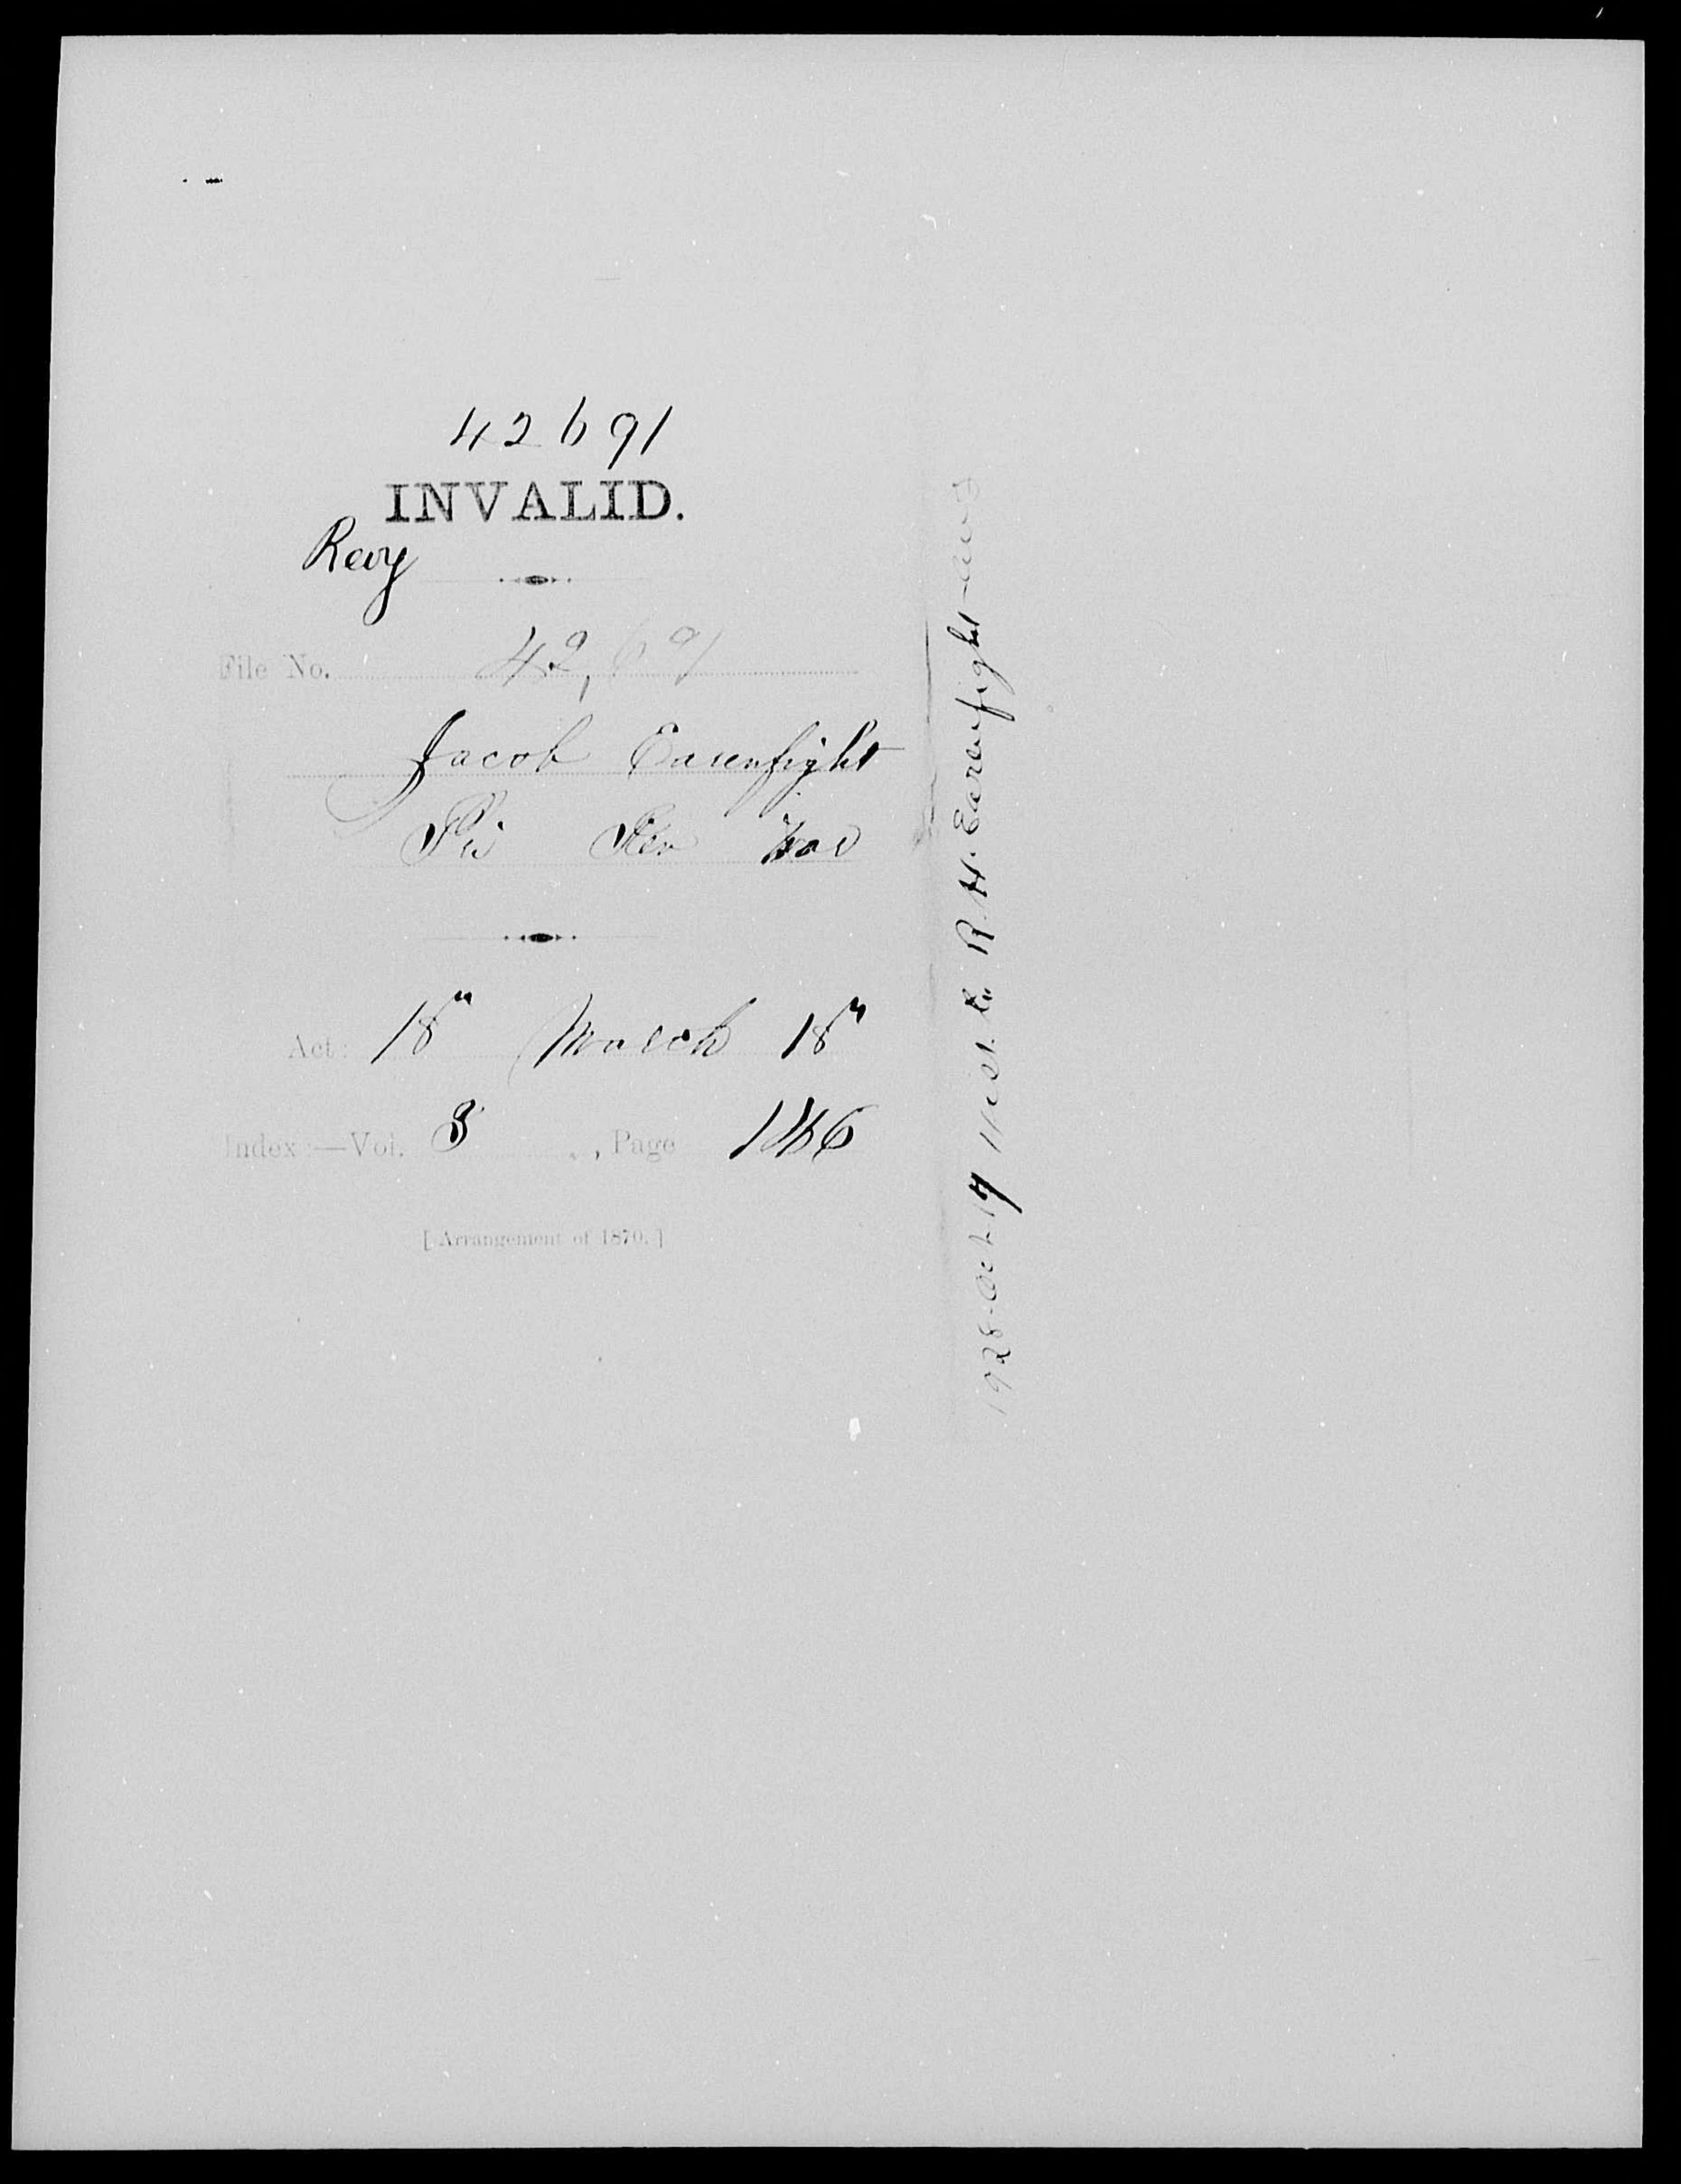42691
INVALID
Revy
File No. 42,691
Jacob Earenfight
Pa  Rev War
Act 18th March 18[?]
Index  Vol.  3  Page 1066
[Arrangement of 1870]
[on side] 
1928 - Oct 17 Hist. to R.H. Earenfight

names: Jacob Earenfight, R H Earenfight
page: 17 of 21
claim: survivor's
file: S. 42691, Jacob Earenfight, Continental Ohio Residence And Agency